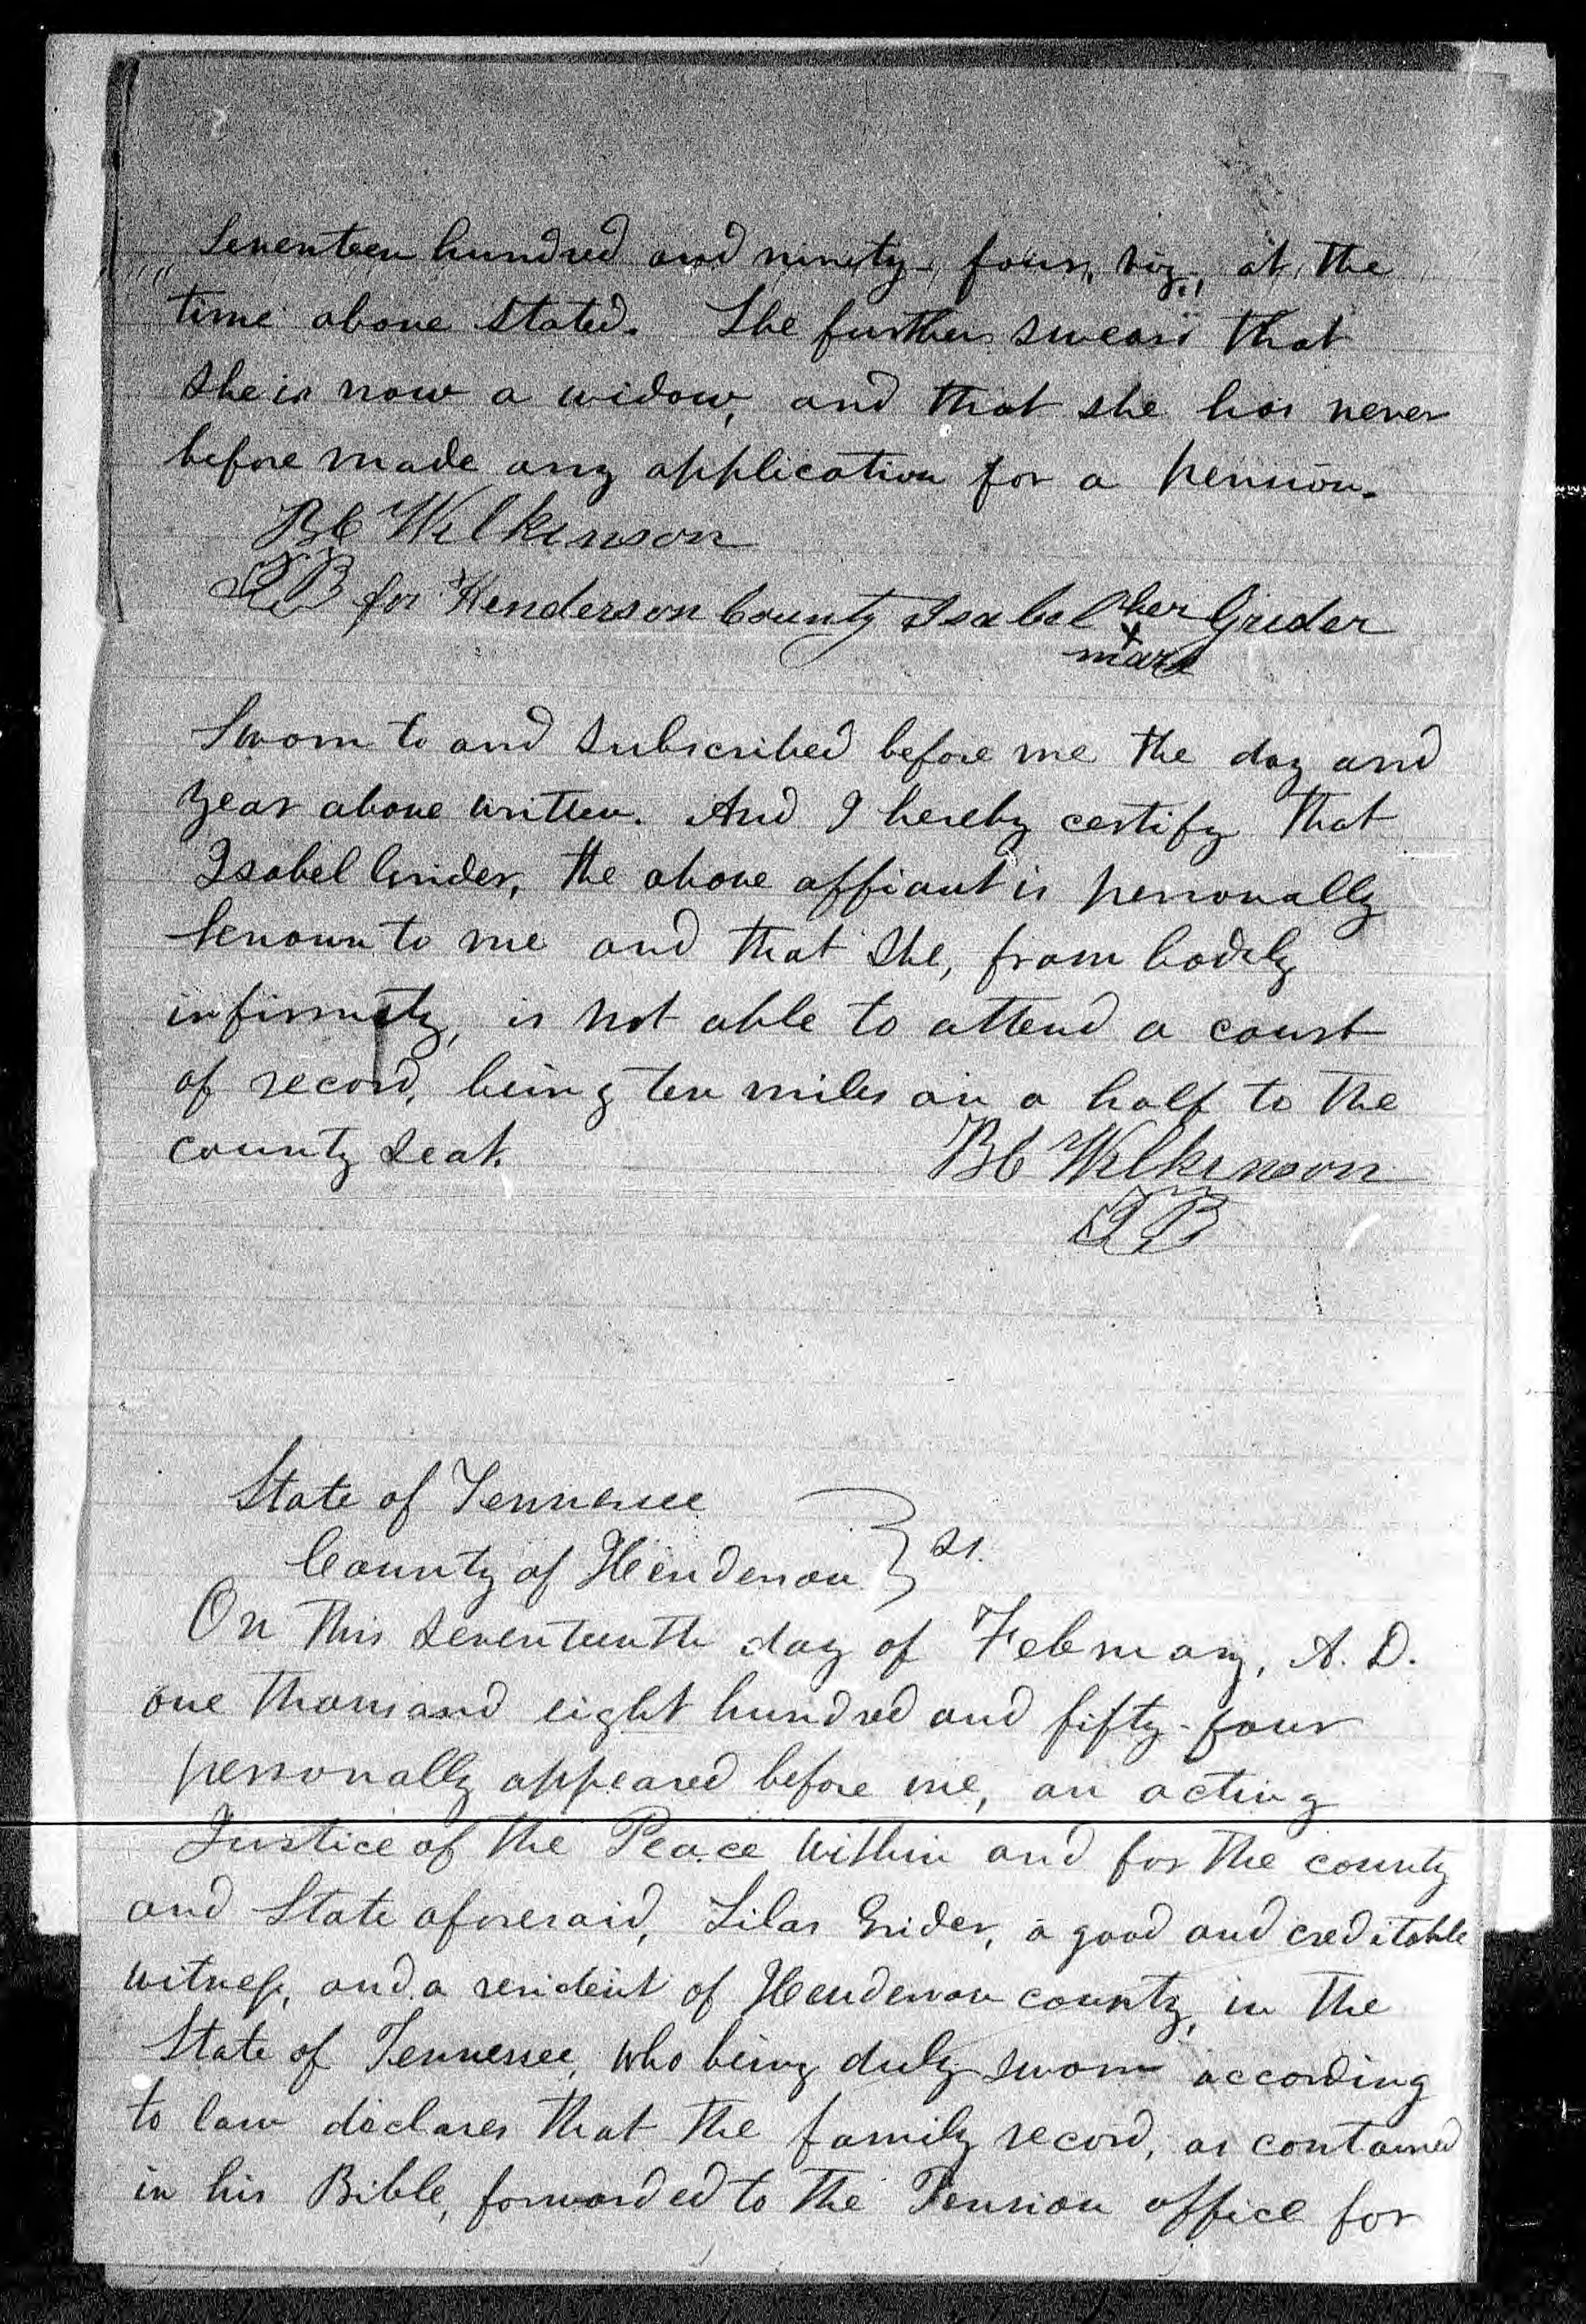seventeen hundred and ninety four, viz, at the time above stated. She further swears that she is now a widow , and that she has never before made any application for a pension. [signed] Isabel Grider (her mark)
 B C Wilkinson for Henderson County

Sworn to and subscribed before me the day and year above written. and I hereby certify that Isabel Grider, the above affiant is personally known to me and that she, from bodily infirmity, is not able to attend a court of record, being ten miles an a half to the county seat.  B C Wilkinson

State of Tennessee 
County of Henderson   } ss
On this seventeenth day of February  A.D. one thousand and eight hundred and fifty four personally appeared before me, an acting Justice of the Peace within and for the county and State aforesaid, Silas Grider, a good and creditable witness and a resident of Henderson County, in the state of Tennessee, who being duly sworn according to law declares that the family record, as contined in this Bible, forwarded to the Pension office for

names: Silas Grider, Isabel Grider, B C Wilkinson, Isabel Grider, B C Wilkinson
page: 90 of 91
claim: widow's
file: W 358, John Grider, N.C.